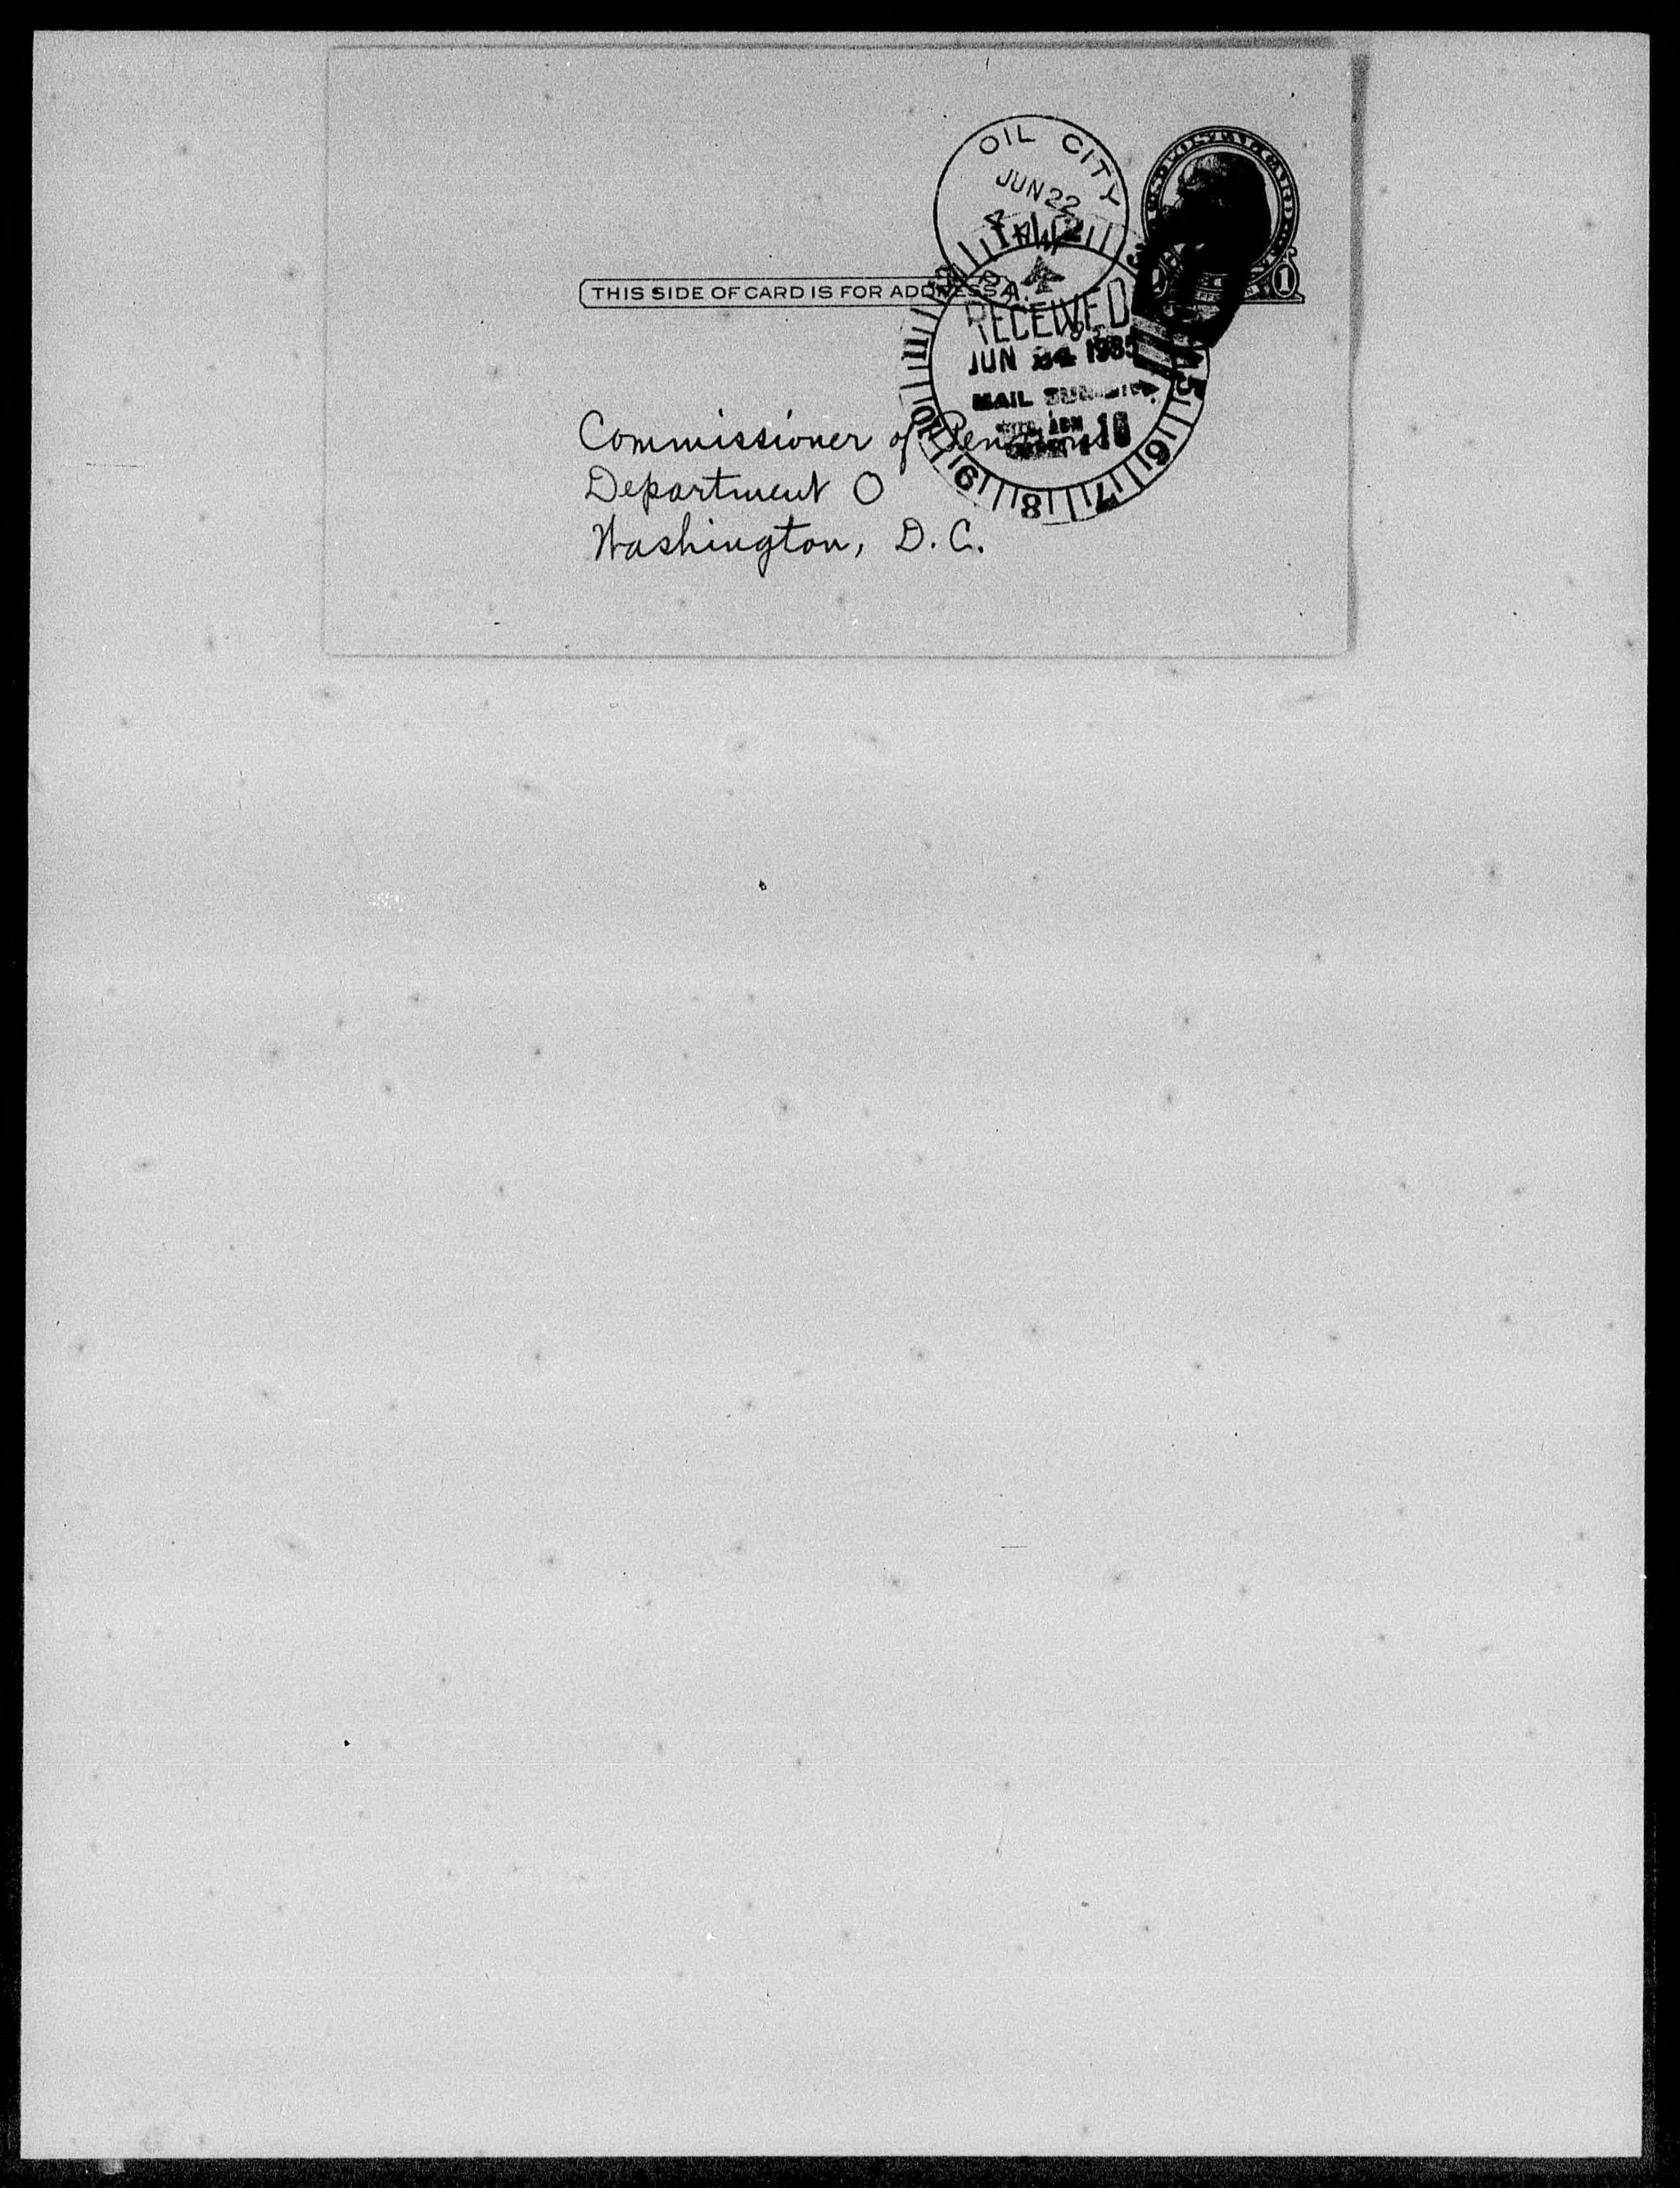THIS SIDE OF CARD IS FOR ADDRESS

[handwritten] Commissioner of
Department O
Washington, D. C.

[stamped]
OIL CITY
JUN22
4 AM
PA.

[stamped]
RECEIVED
JUN 24 1935
MAIL SUB-DIV
VETS ADM
READER # 10

[stamped]
[illegible] S POSTAL CARD
1 JEFFERSON 1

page: 20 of 30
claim: widow's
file: W. 2146, for Joseph Mc Collock, Pennsylvania